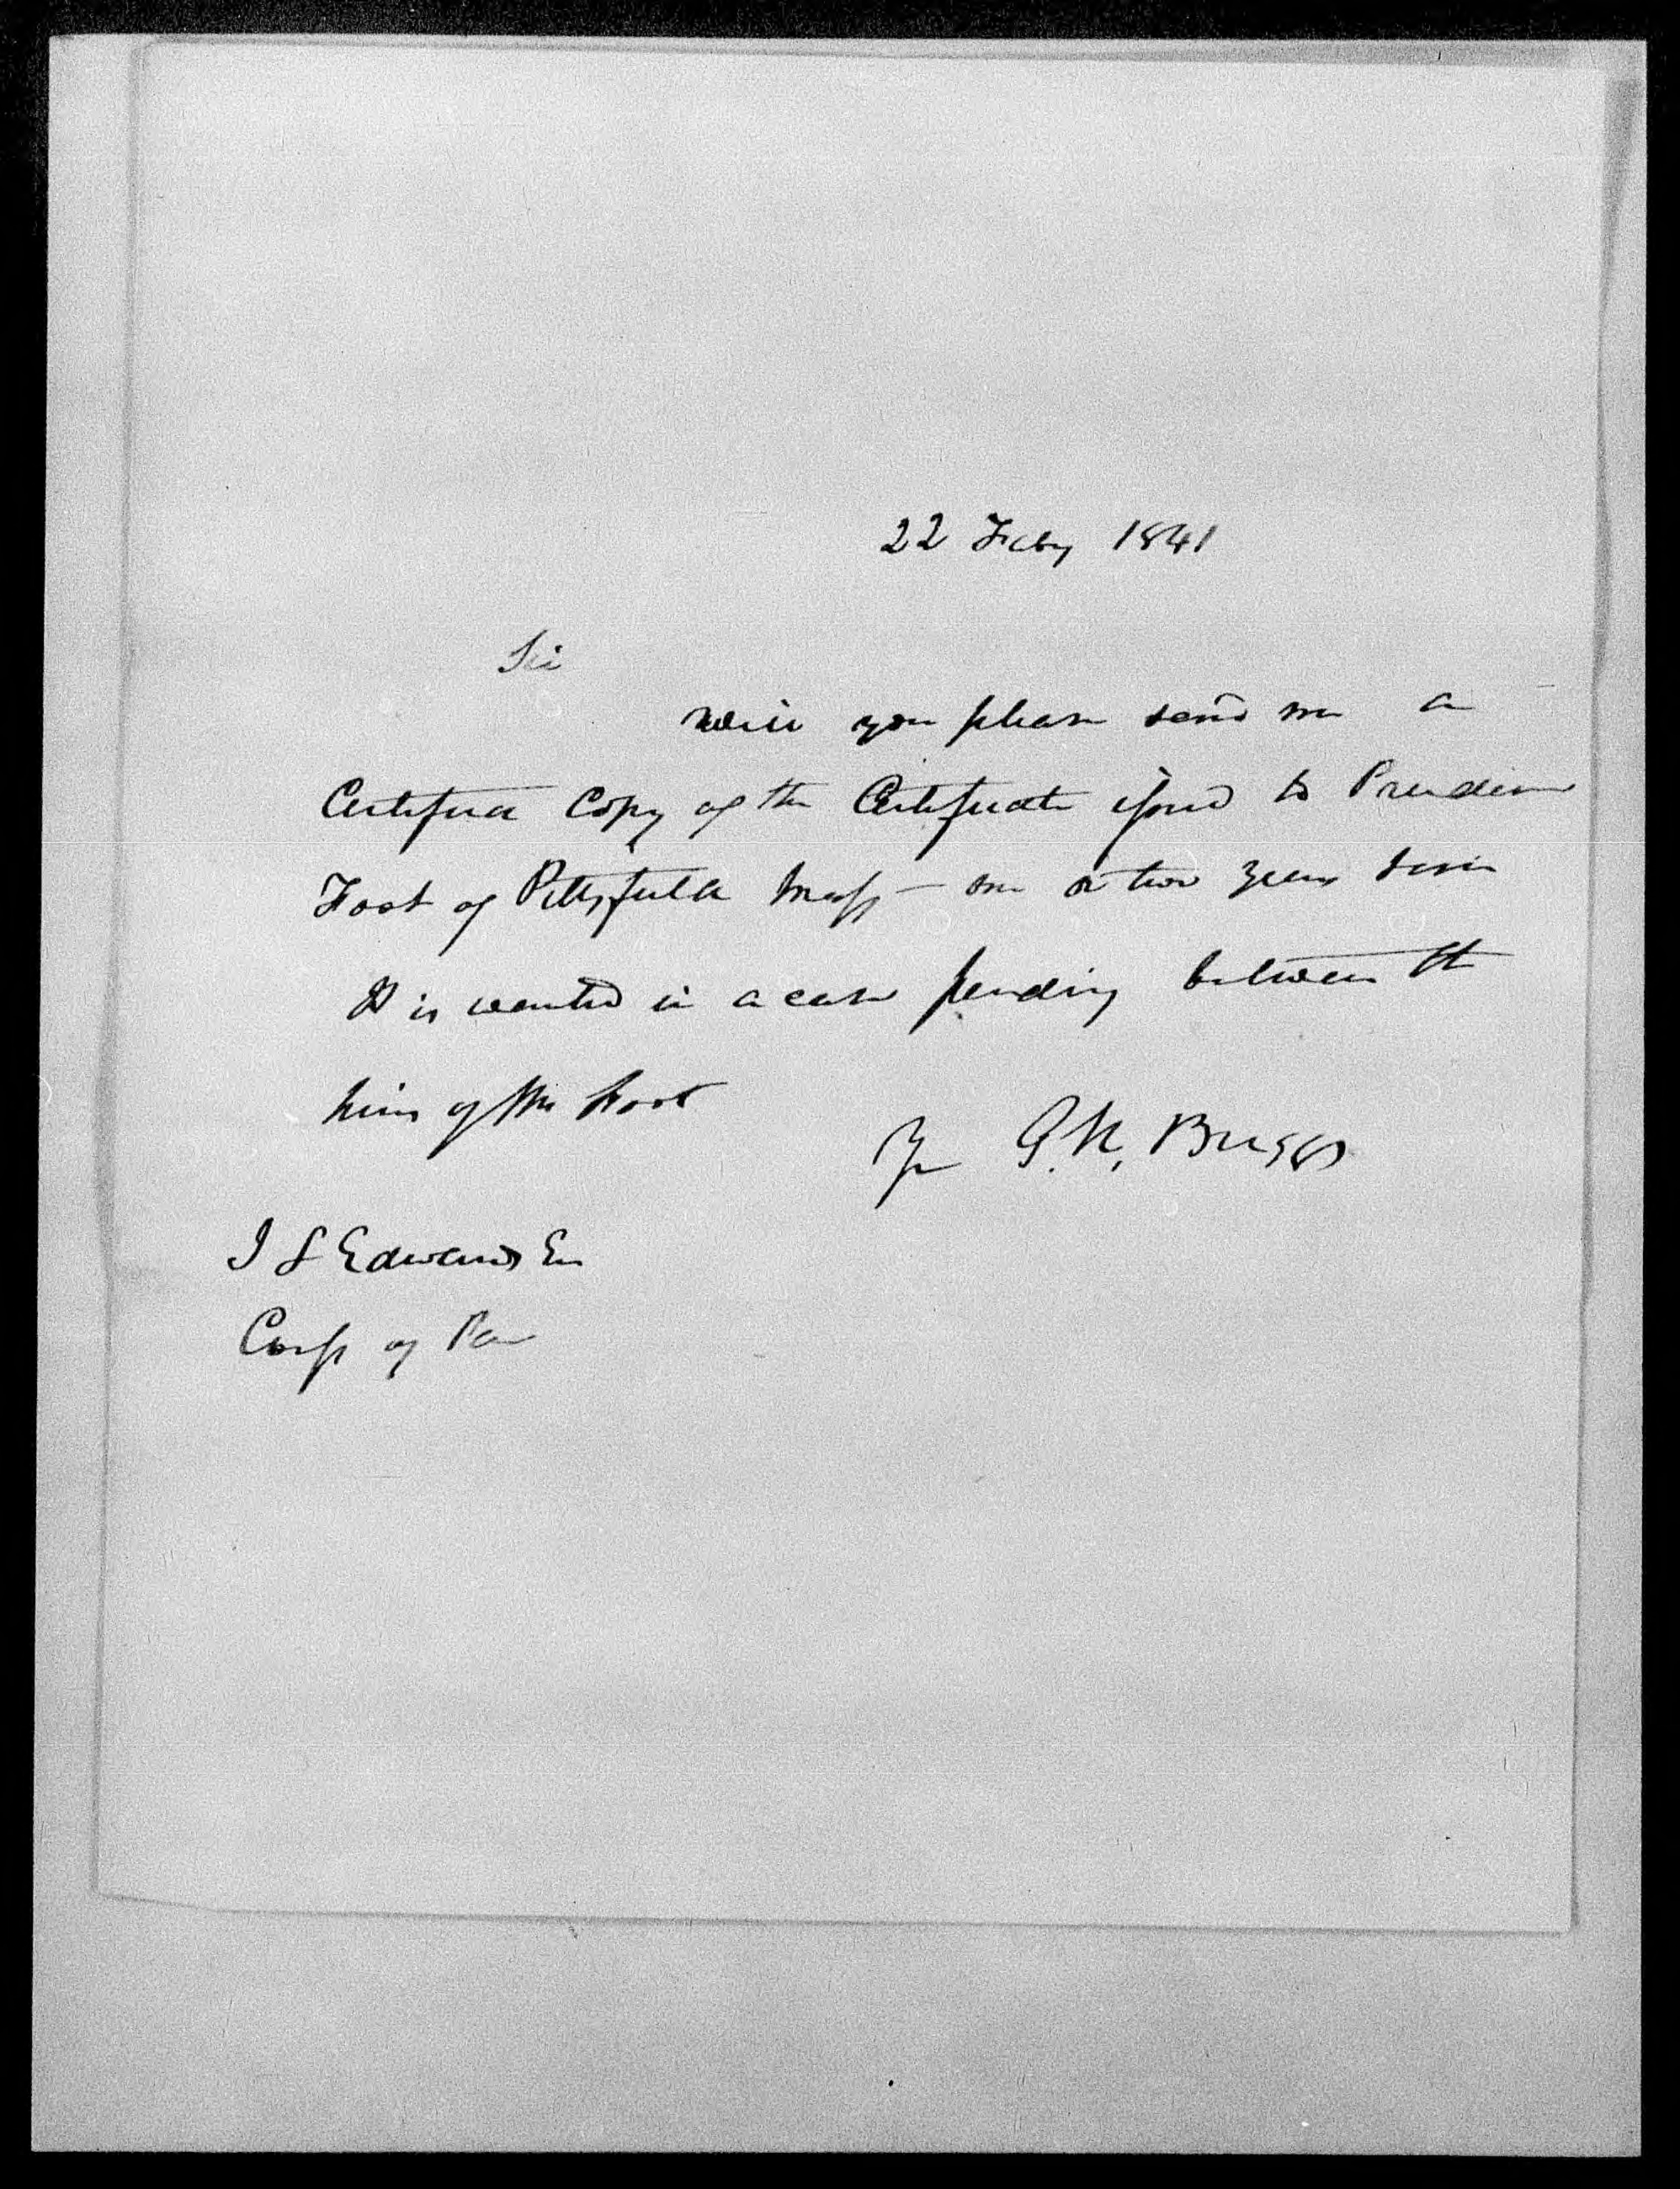22 Feby 1841

Sir
Will you please send me a Certificate copy of the Certificate sent to Prudence Foot of Pittsfield Mass--one or two years since & is wanted in a case pending between the heirs of Mrs. Foot

Yr  G. N. Brigg

J l Edwards Esq
Comsr of Pen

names: Prudence Foot; J L Edwards; G N Briggs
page: 47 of 60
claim: widow's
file: W. 14,036, for James Knowles, Connecticut